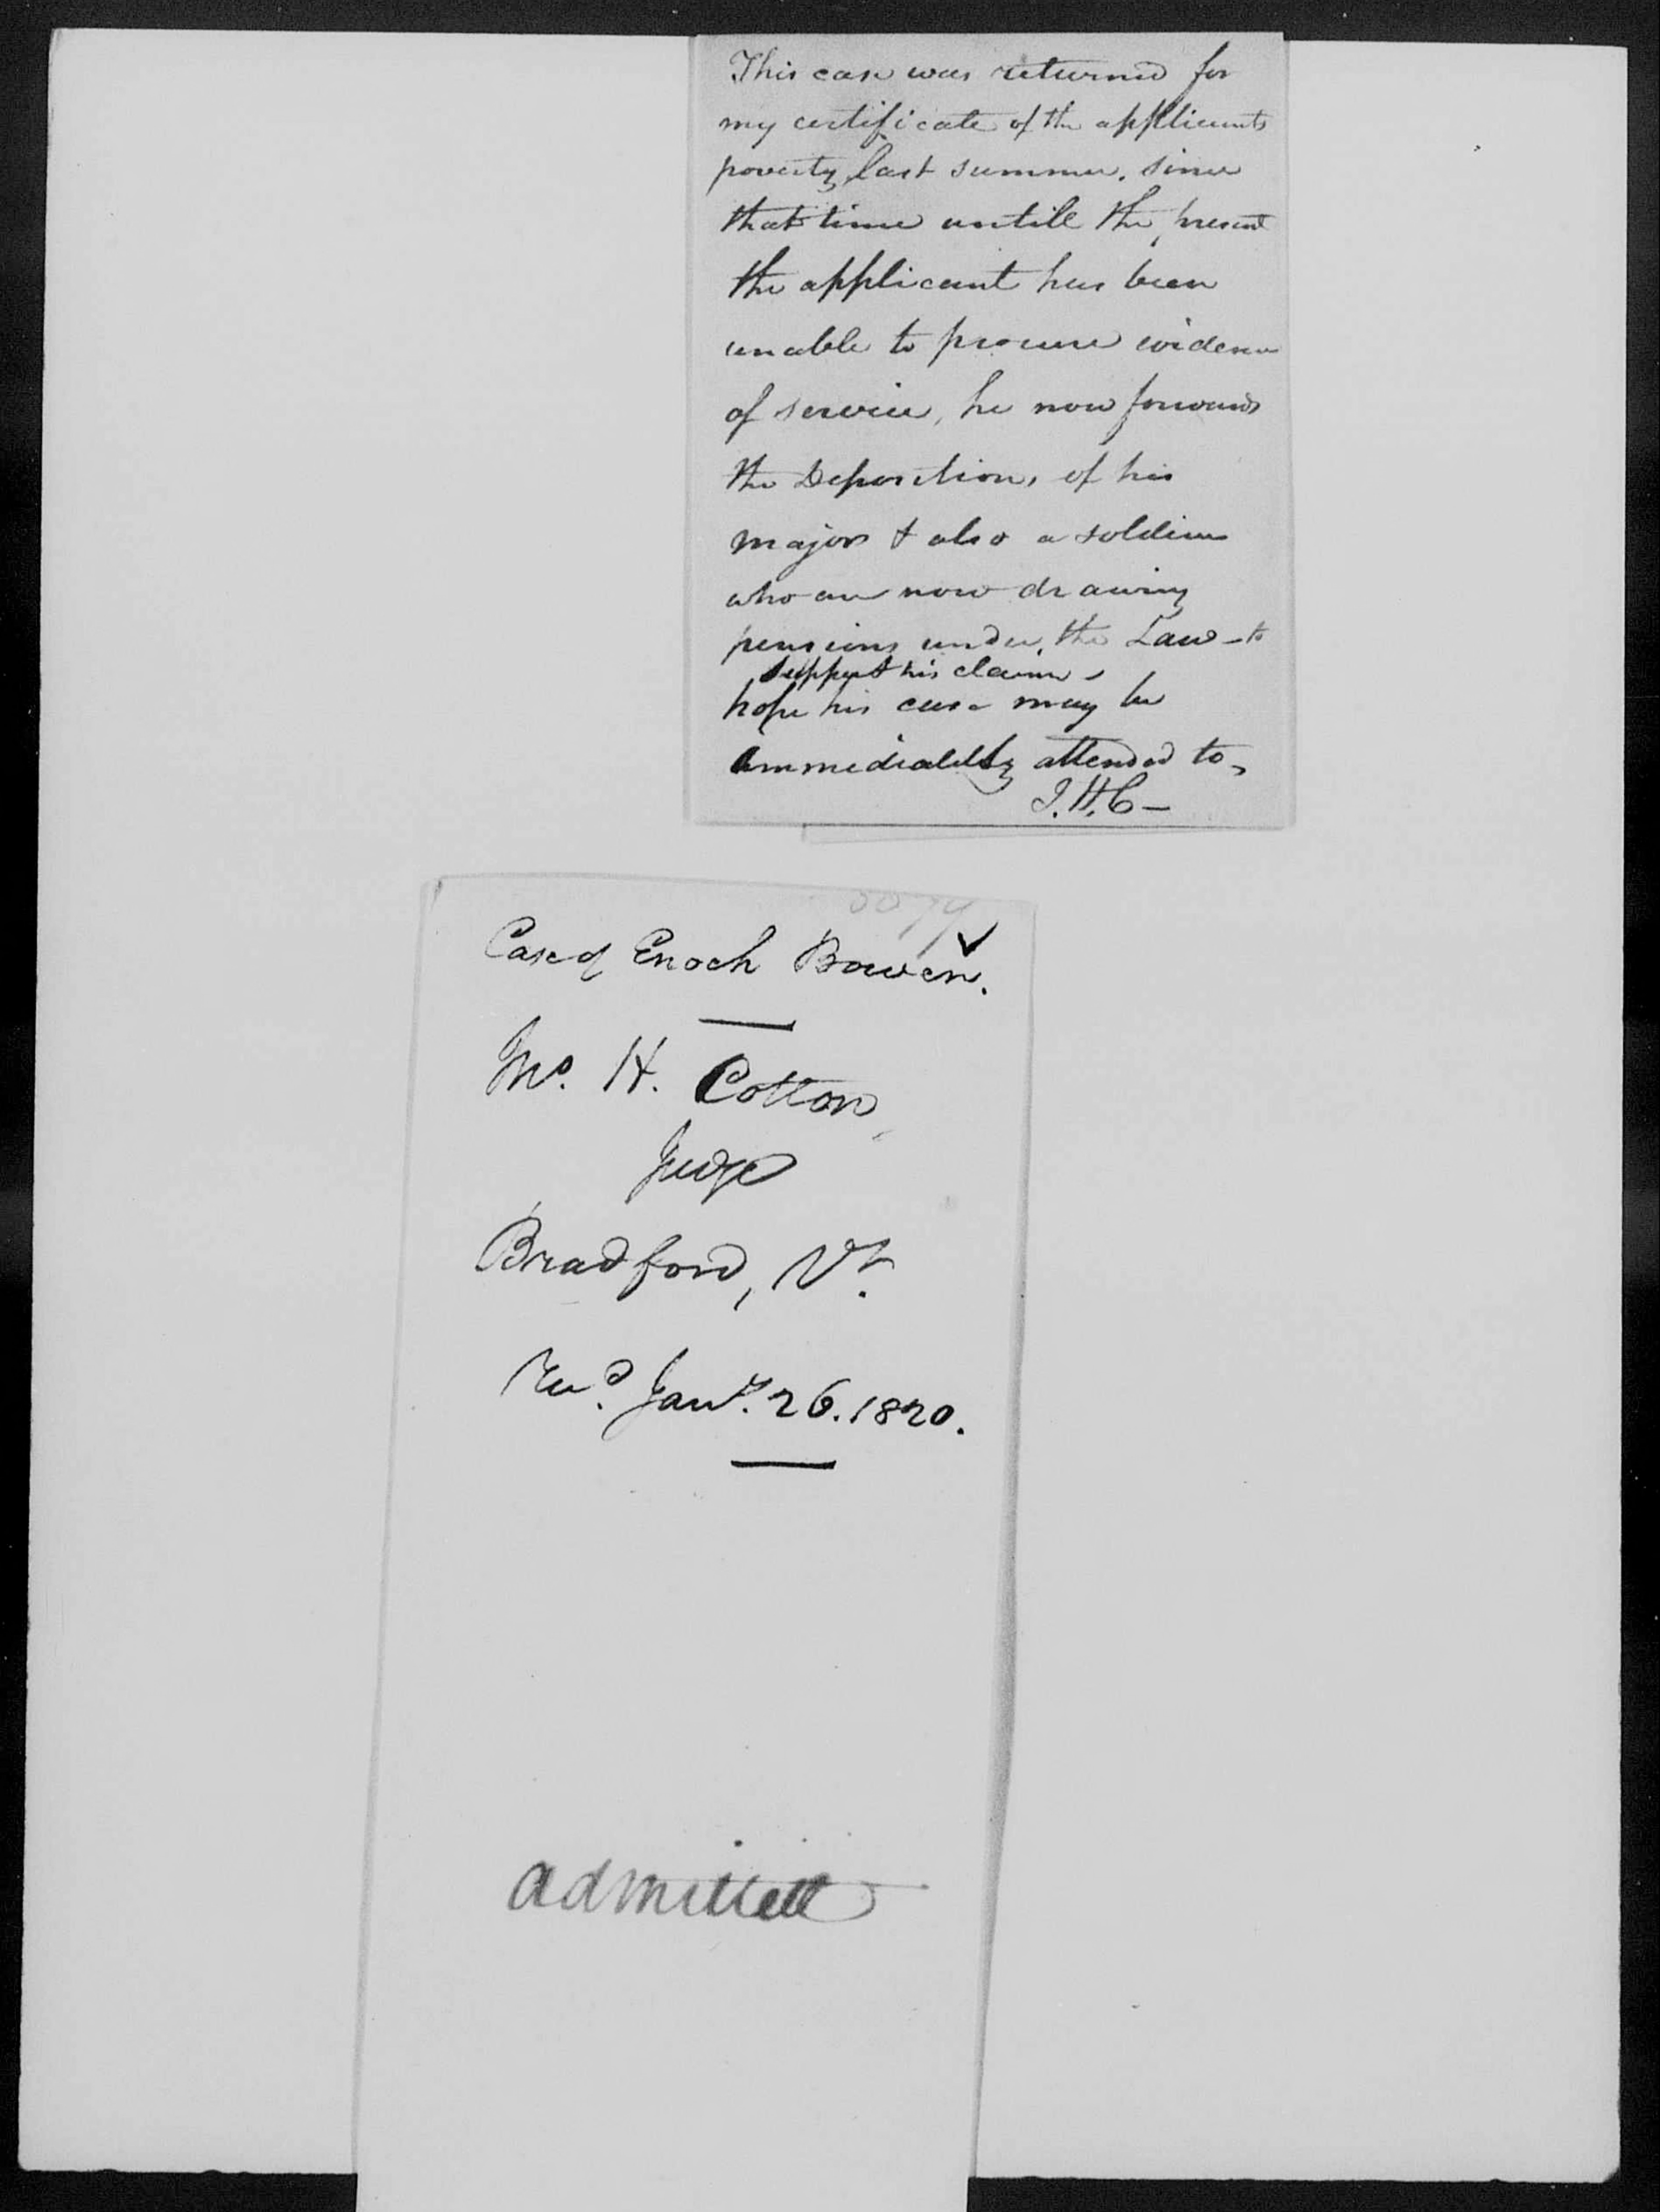This case was returned for my certificate of the applicants poverty, last summer, since that time until the present the applicant has been unable to procure evidence of service, he now forwards the depositions of his major & also a soldier who are now drawing pensions and in the Law-to support his claims, hope his case may be immediately attended to J.H.C.

Case of Enoch Bowen.
Ms. H. Cotton
Judge
Bradford, Vt.
rec'd Jany 26.1820.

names: Jno H Cotton, Enoch Bowen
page: 8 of 11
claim: survivor's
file: S. 41,453, Enoch Bowen, N.H.